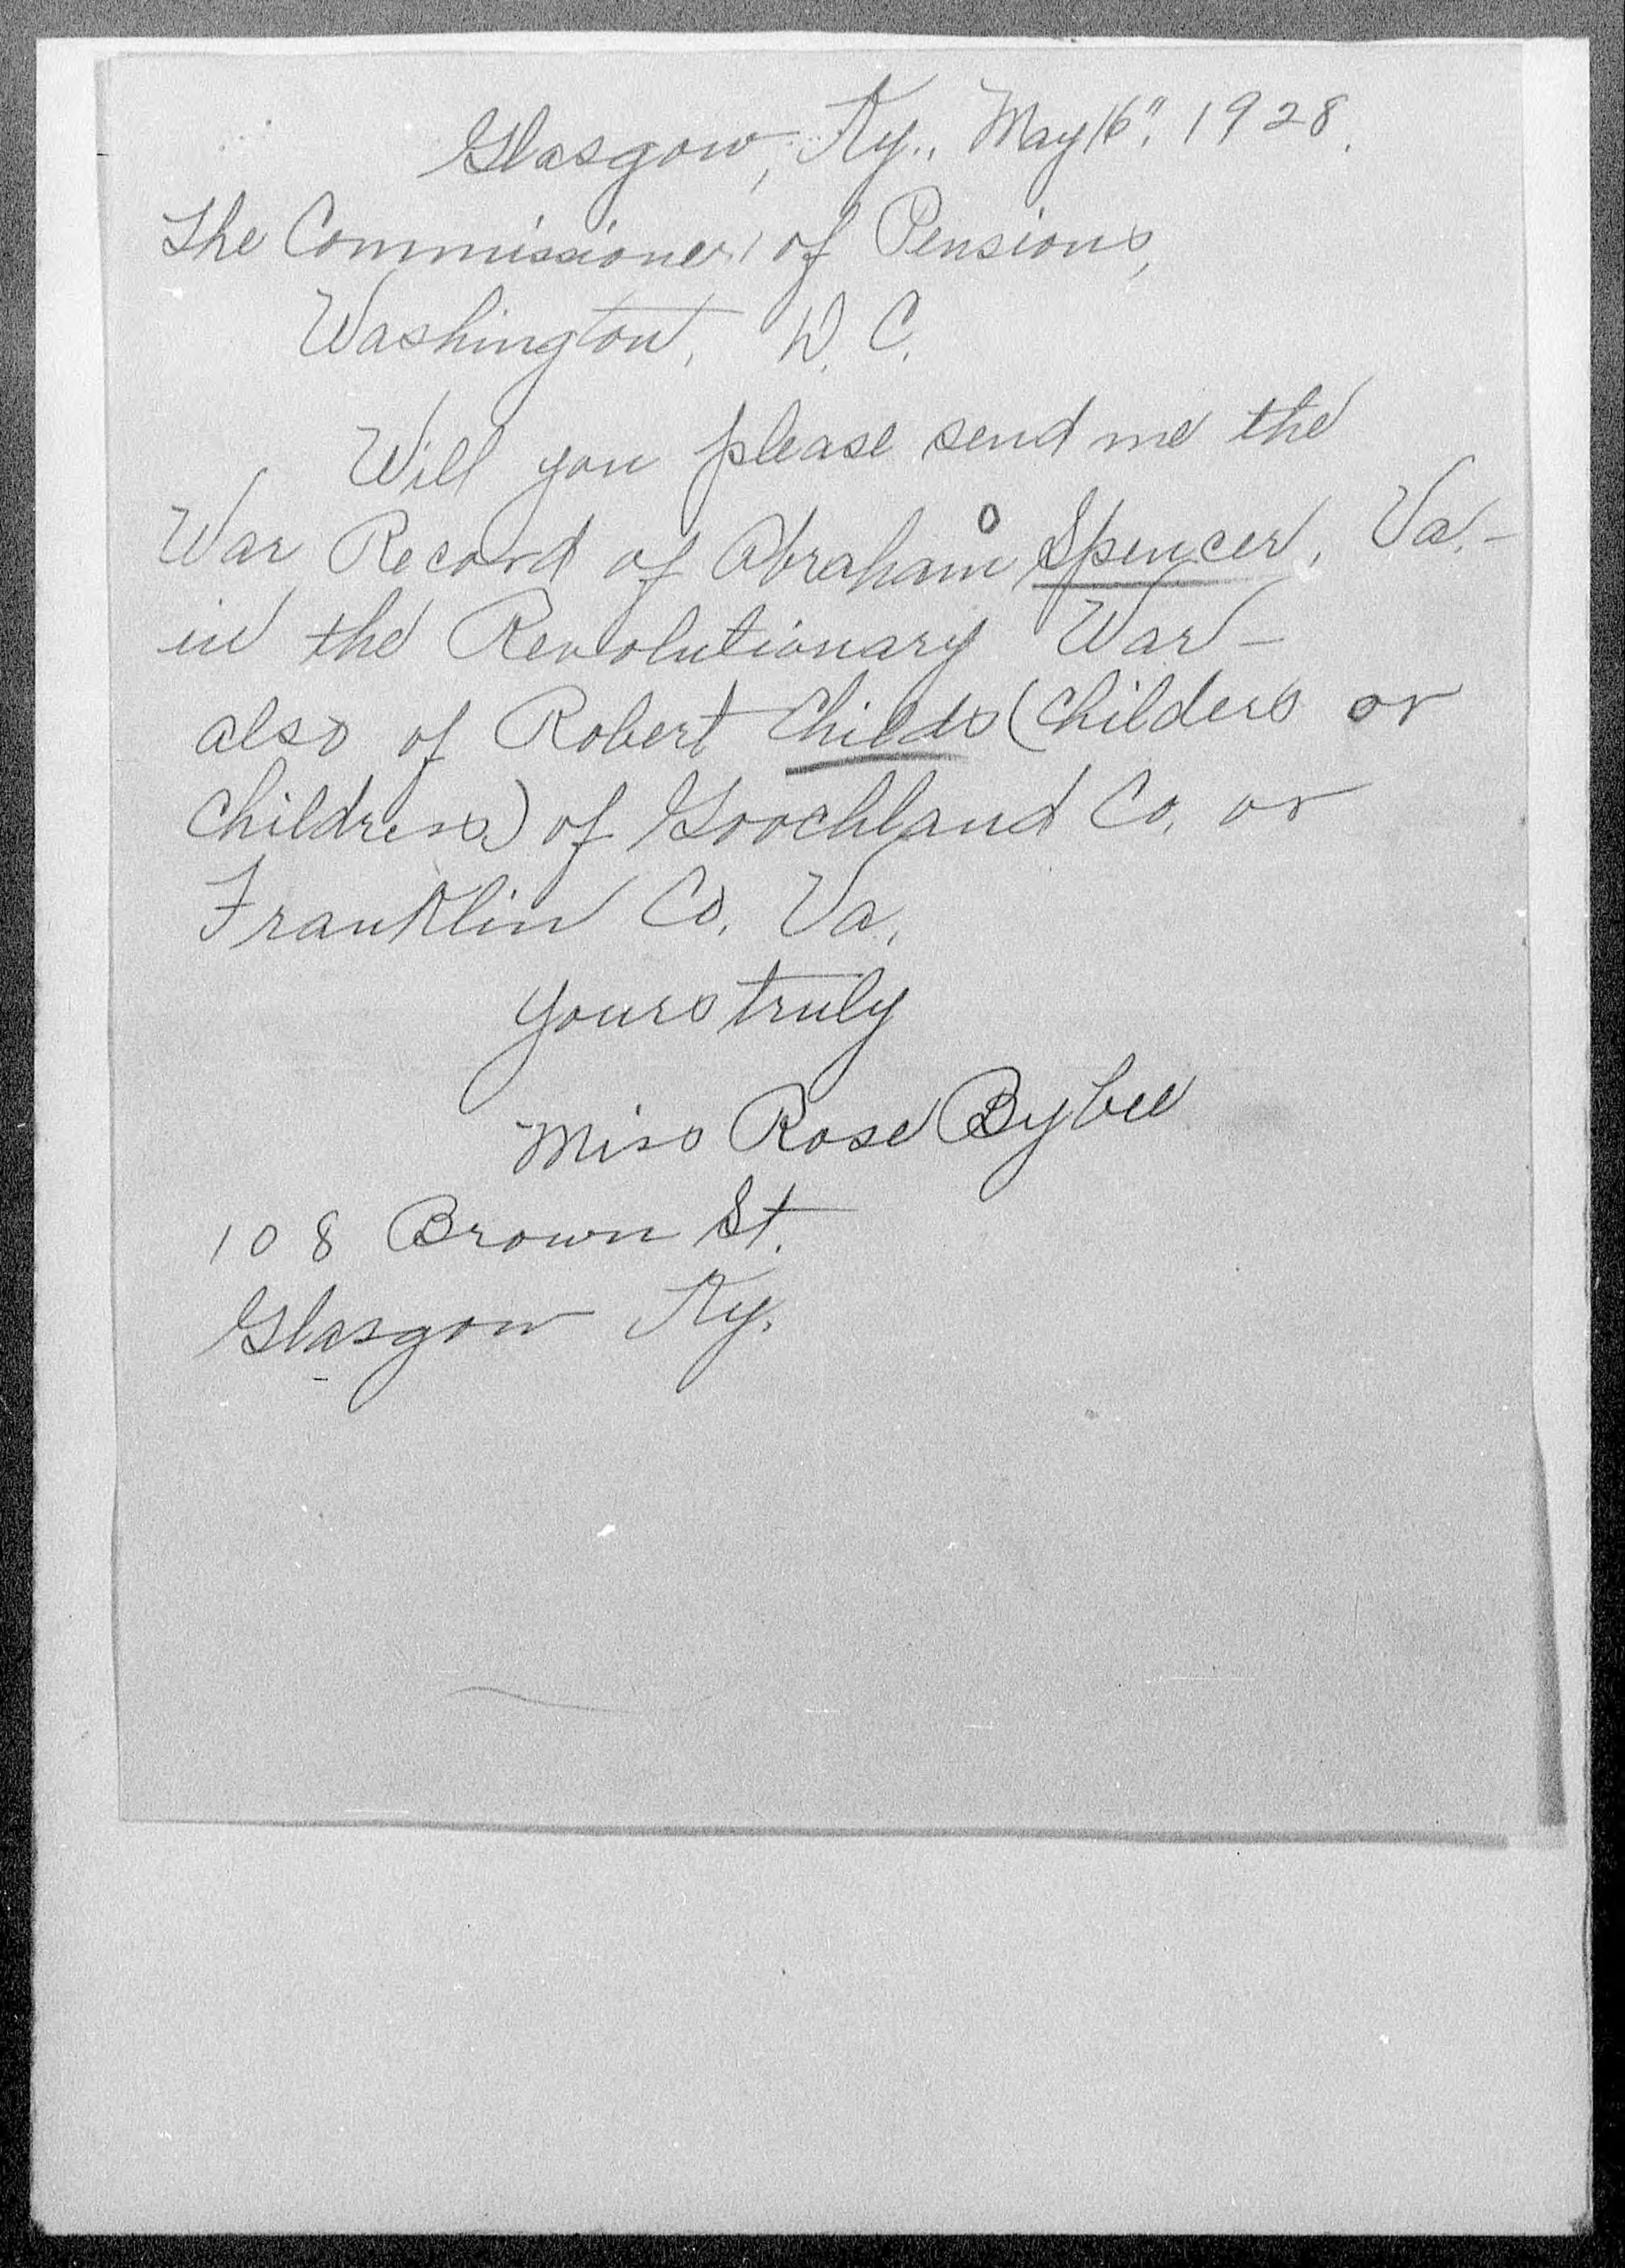Glasgow, Ky, May 16, 1928.
The Commissioner of Pensions
Washington, D.C
Will you please send me the War Record of Abraham Spencer [underlined], Va.- in the Revolutionary War- also of Robert Childs [underlined] (Childers or Childress) of Goochland Co. or Franklin Co. Va. 
Yours truly
Miss Rose Bybee
108 Brown St.
Glasgow Ky,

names: Abraham Spencer, Robert Childress, Robert Childs, Rose Bybee, Robert Childers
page: 24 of 25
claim: rejected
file: R. 1929, Robert Childress, Va